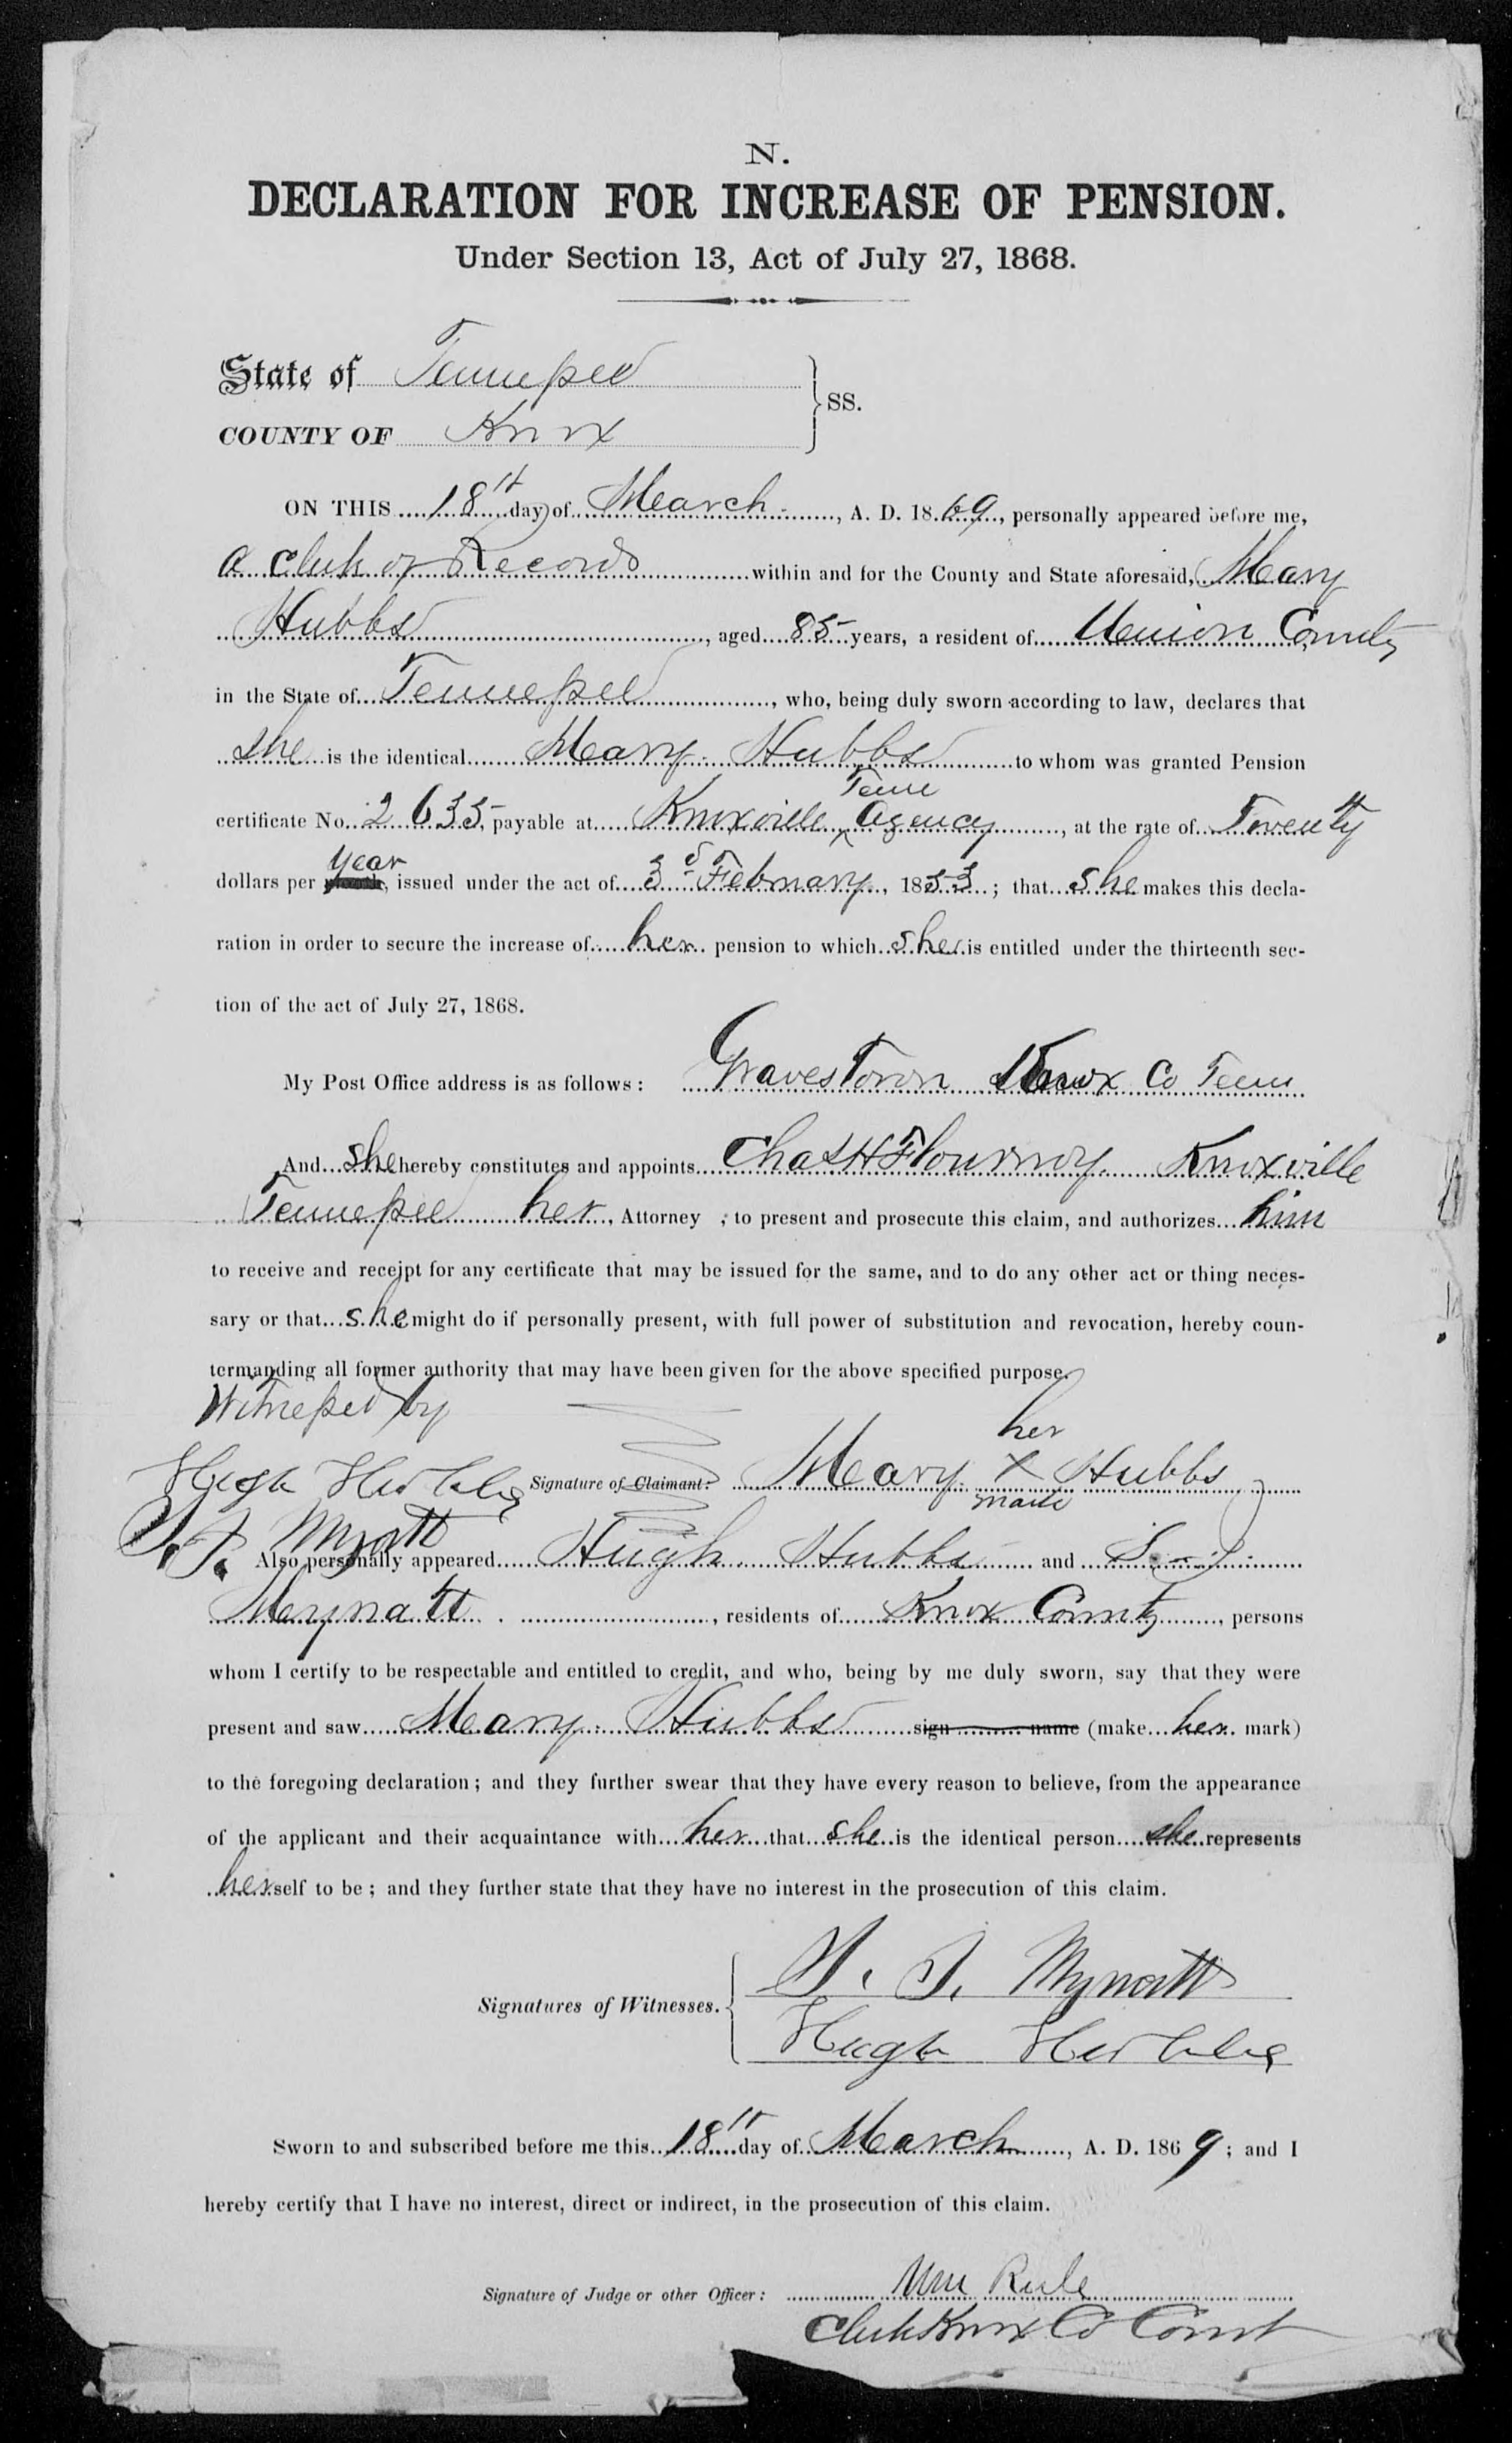N.
DECLARATION FOR INCREASE OF PENSION.
Under Section 13, Act of July 27, 1868.

State of Tennessee 
ss.
County of Knox
ON THIS 18th day of March, A.D. 1869 Personnal appeared before me,
a clerk of Records within and for the County and State aforesaid, Mary
Hubbs , aged 85 years, a resident of Union County
in the State of Tennessee, who, being duly sworn according to law, declares that
she is the identical Mary Hubbs to whom was granted Pension
certificate No 2635, payable at Knoxville Tenn. Agency, at the rate of Twenty
dollars per year,  issued under the act of 3rd February, 1853; that she makes this declaration in order to secure the increase of her pension to which she is entitled under the thirteenth section of the act of July 27, 1868.

My Post Office address is as follows :  [illegible] Knox Co Tenn

And She hereby constitutes and appoints Chas H [illegible] Knoxville

Tennessee  her  Attorney ; to present and prosecute this claim, and authorizes him
to receive and receipt for any certificate that may be issued for the same, and to do any other 
act or thing necessary 
or that she might do if personally present, with full power of substitution and revocation, hereby countermanding all former authority that may have been given for the above specified purpose.
Witnessed by
Hugh Hubbs [signature]
S. J. Mynott [signature]                                         her
Signature of Claimant                                  Mary X Hubbs
                                                                                    mark
Also  personally appeared Hugh Hubbs and S. J. 
Mynott, residence of Knox County, persons
whom I certify to be respectable and entitled to credit, and who, being by me duly sworn, say that they 
were present and saw Mary Hubbs (make her mark)
to the foregoing declaration; and they further swear that they have every reason to believe, from the appearance of the applicant and their acquaintance with her that She is the identical person she presents herself to be; and they further state that they have no interest in the prosecution of this claim.
Signatures of Witnesses.
S. J. Mynott
Hugh Hubbs
Sworn to and subscribed before me this 18th  day of March, A. D. 1869 ; and I
hereby certify that I have no interest, direct or indirect, in the prosecution of this claim.
Signature of Judge or other Officer: Wm Rule [signature]
Clerk Knox Co Court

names: Rule, J J Mynott, Hugh Hubbs, Mary Hubbs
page: 65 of 86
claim: widow's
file: W. 1035, John Hubbs, S.C.